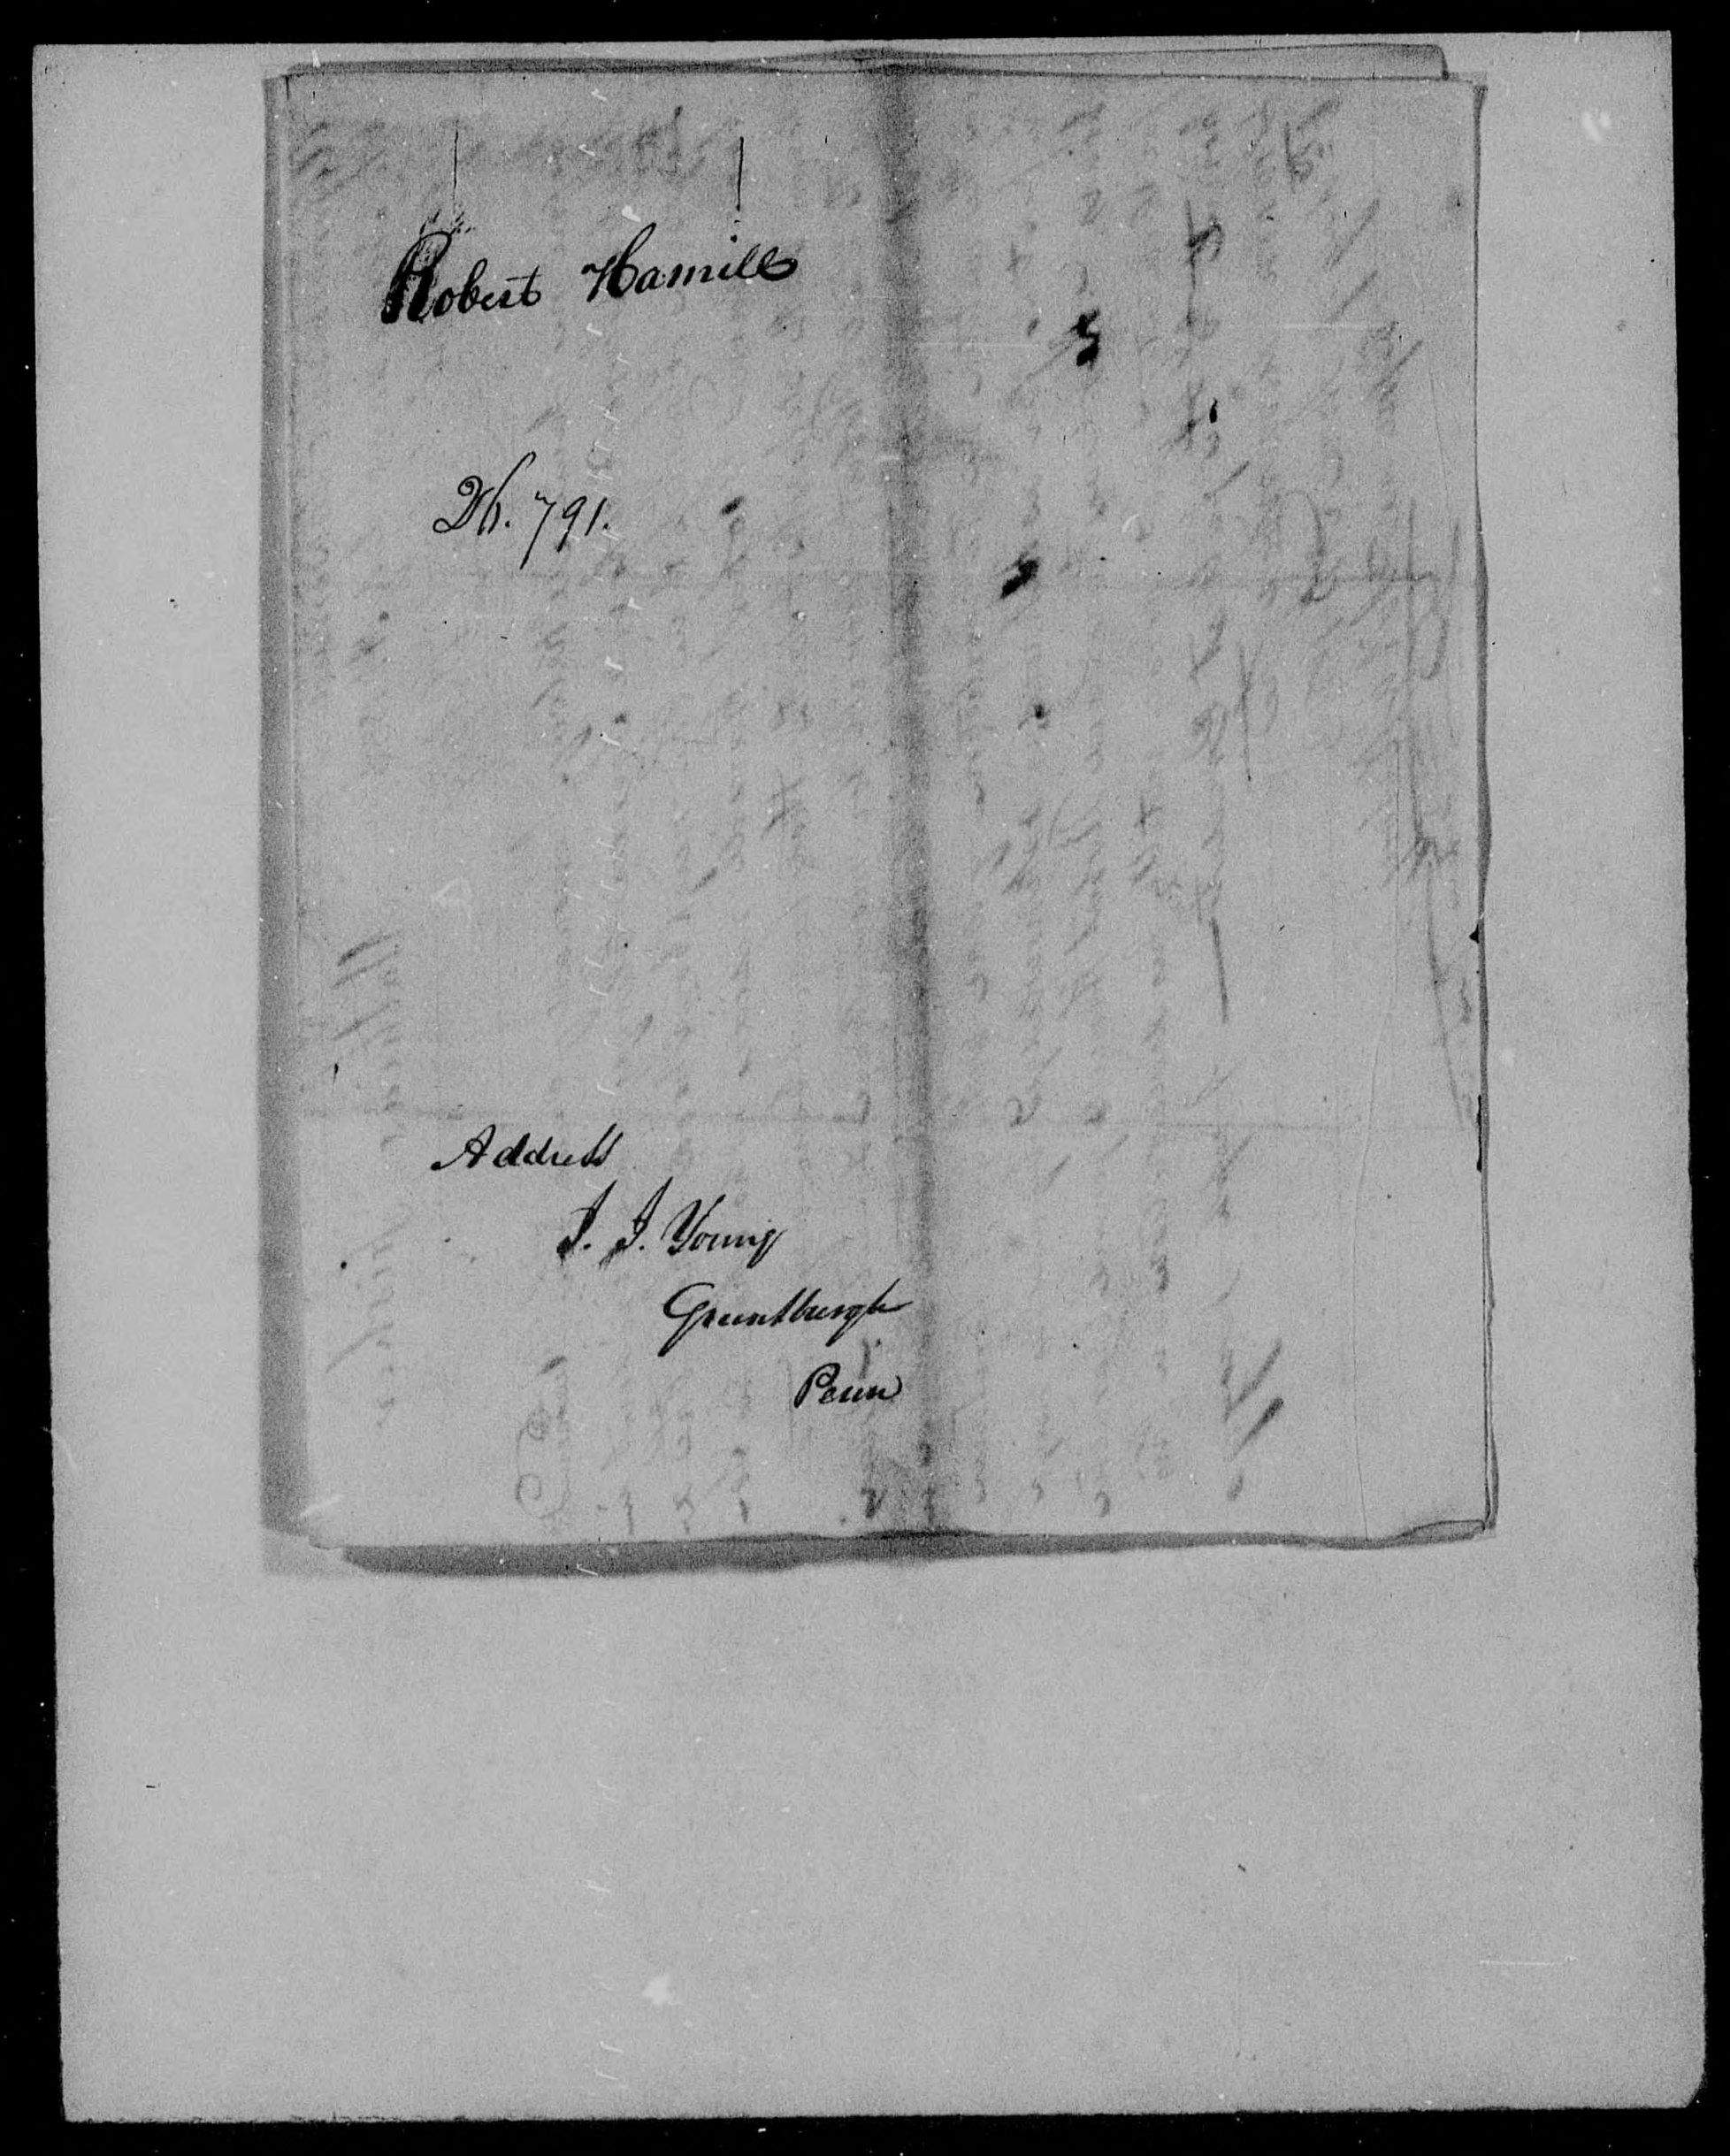Robert Hamill
26.791
Address
J.J. Young
Greensburgh
Penn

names: Robert Hamill, J J Young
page: 84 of 92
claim: widow's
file: W 1173, Robert Hamill, Penn.